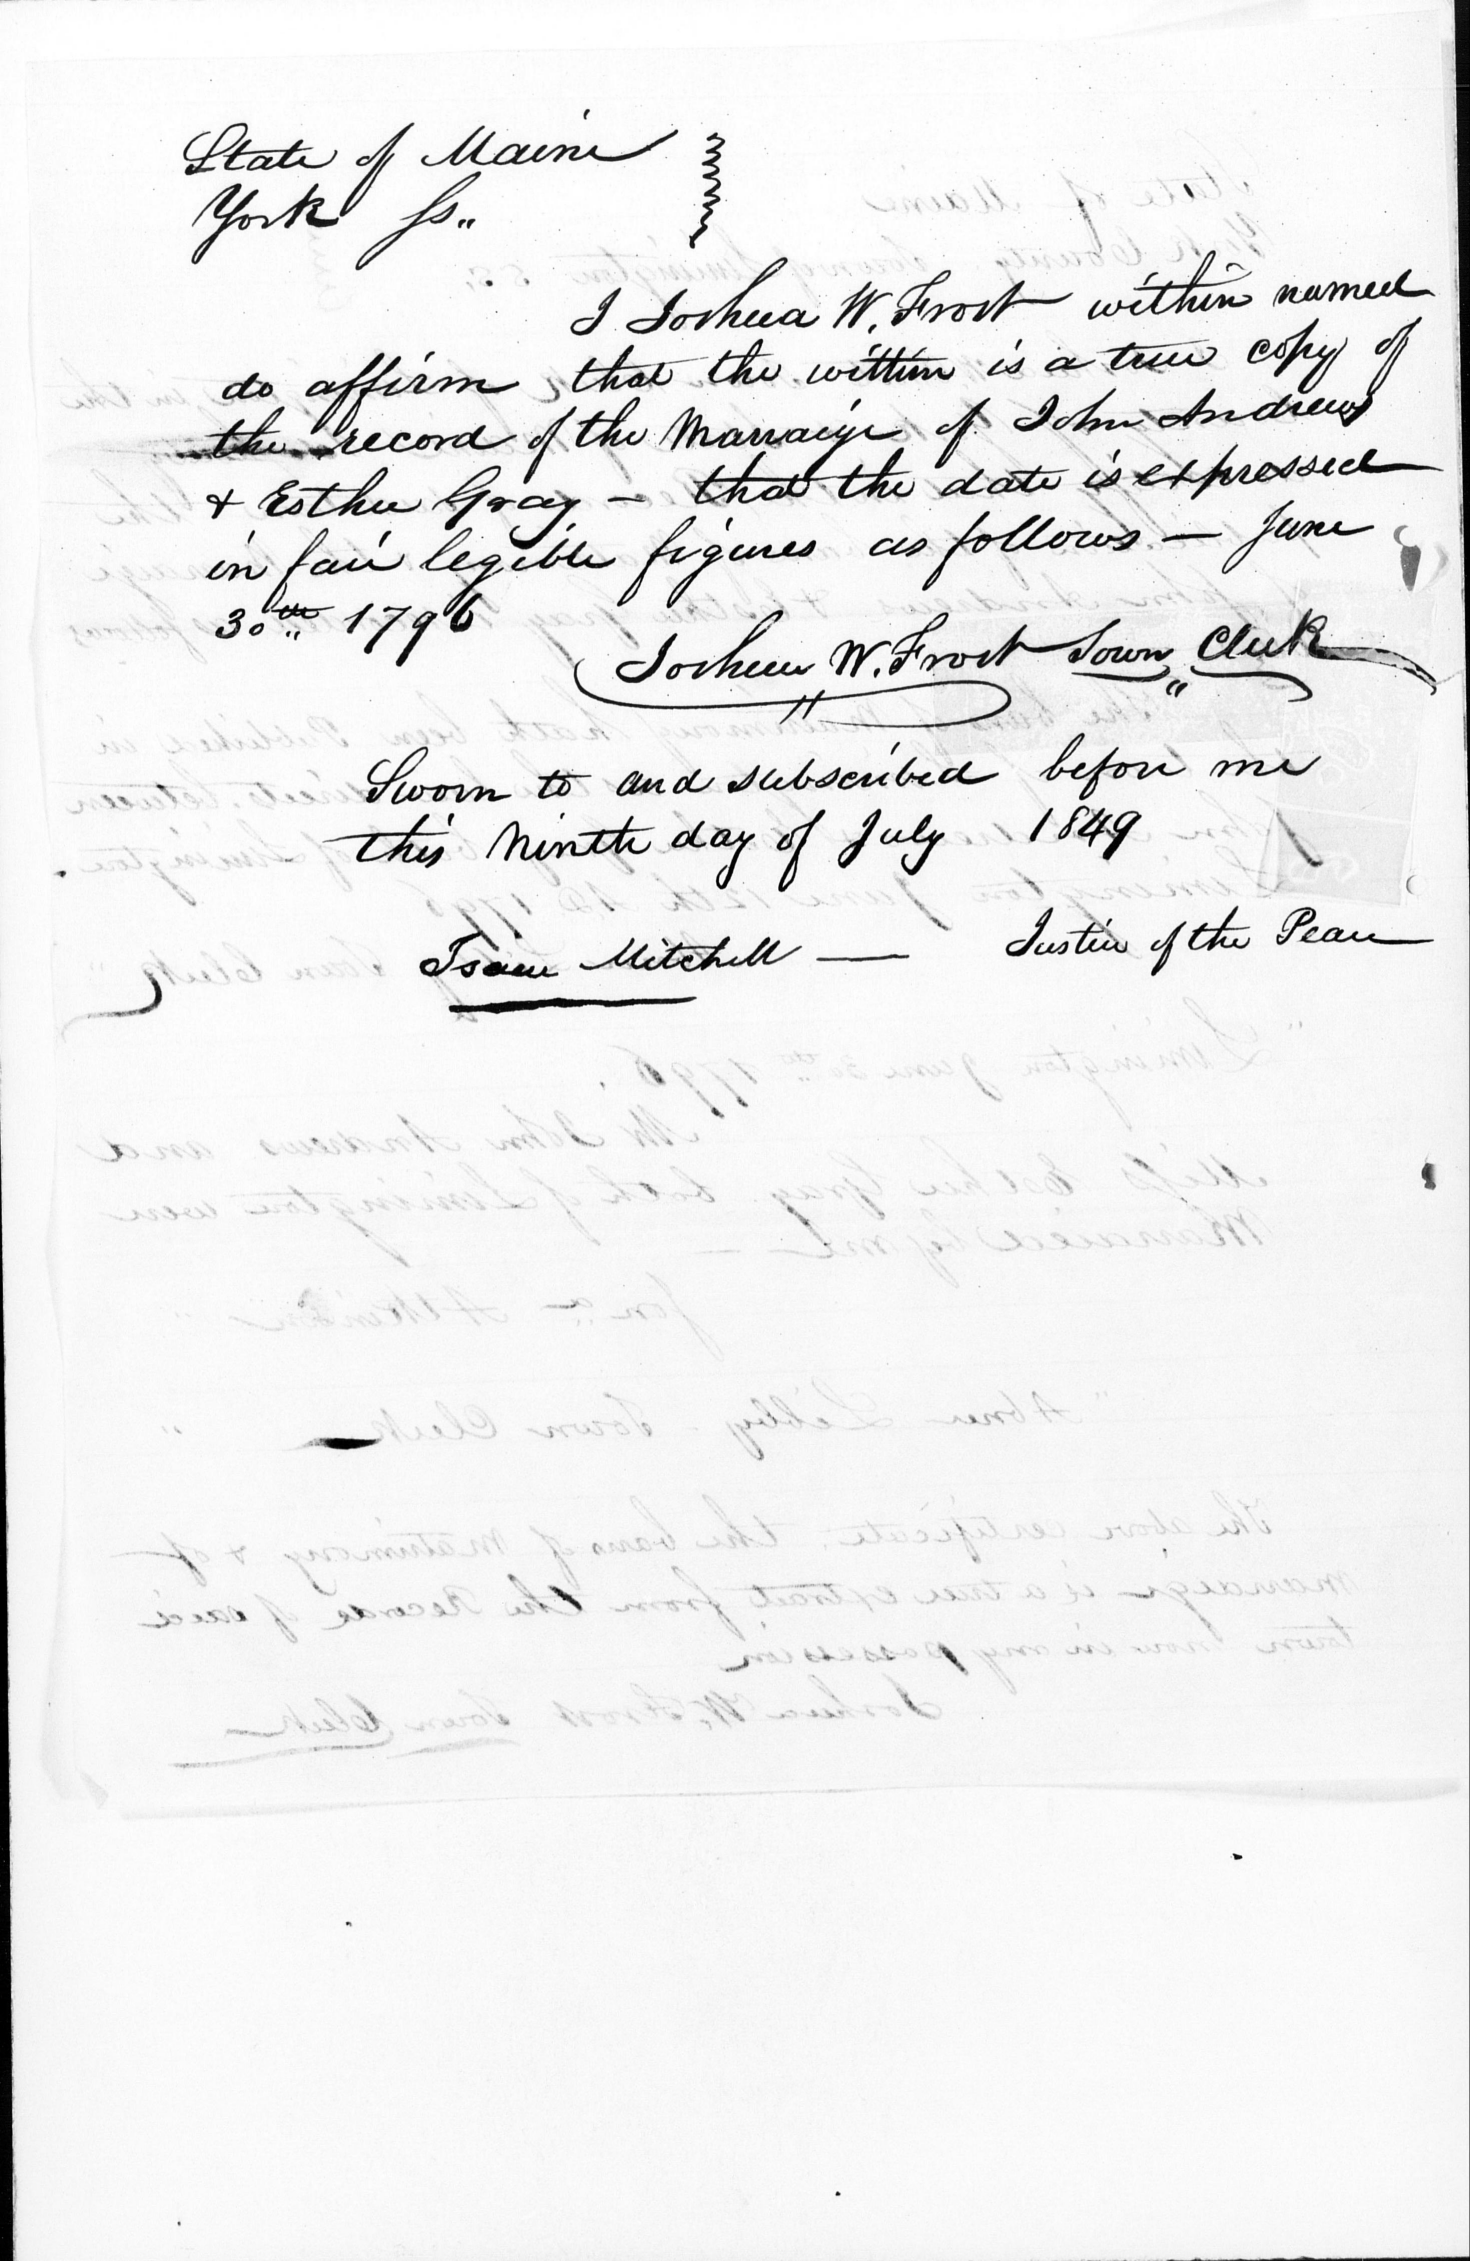State of Maine
 York SS

 " I Joshua W. Frost within named do affirm that the within is a true copy 1 2 the record of the Marriage of John Andrew & Esther Gray 

that the date is expressed in fair legible figures as follows 

June 30th 1796

John W. Frost, Town Clerk 

Sworn to and subscribed before me this ninth day of July 1849

Isaac Mitchell - Justice of the Peace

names: Joshua W Frost, John Andrews, Isaac Mitchell, Joshua W Frost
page: 15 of 23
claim: widow's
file: W. 1693, John Andrews, Mass.